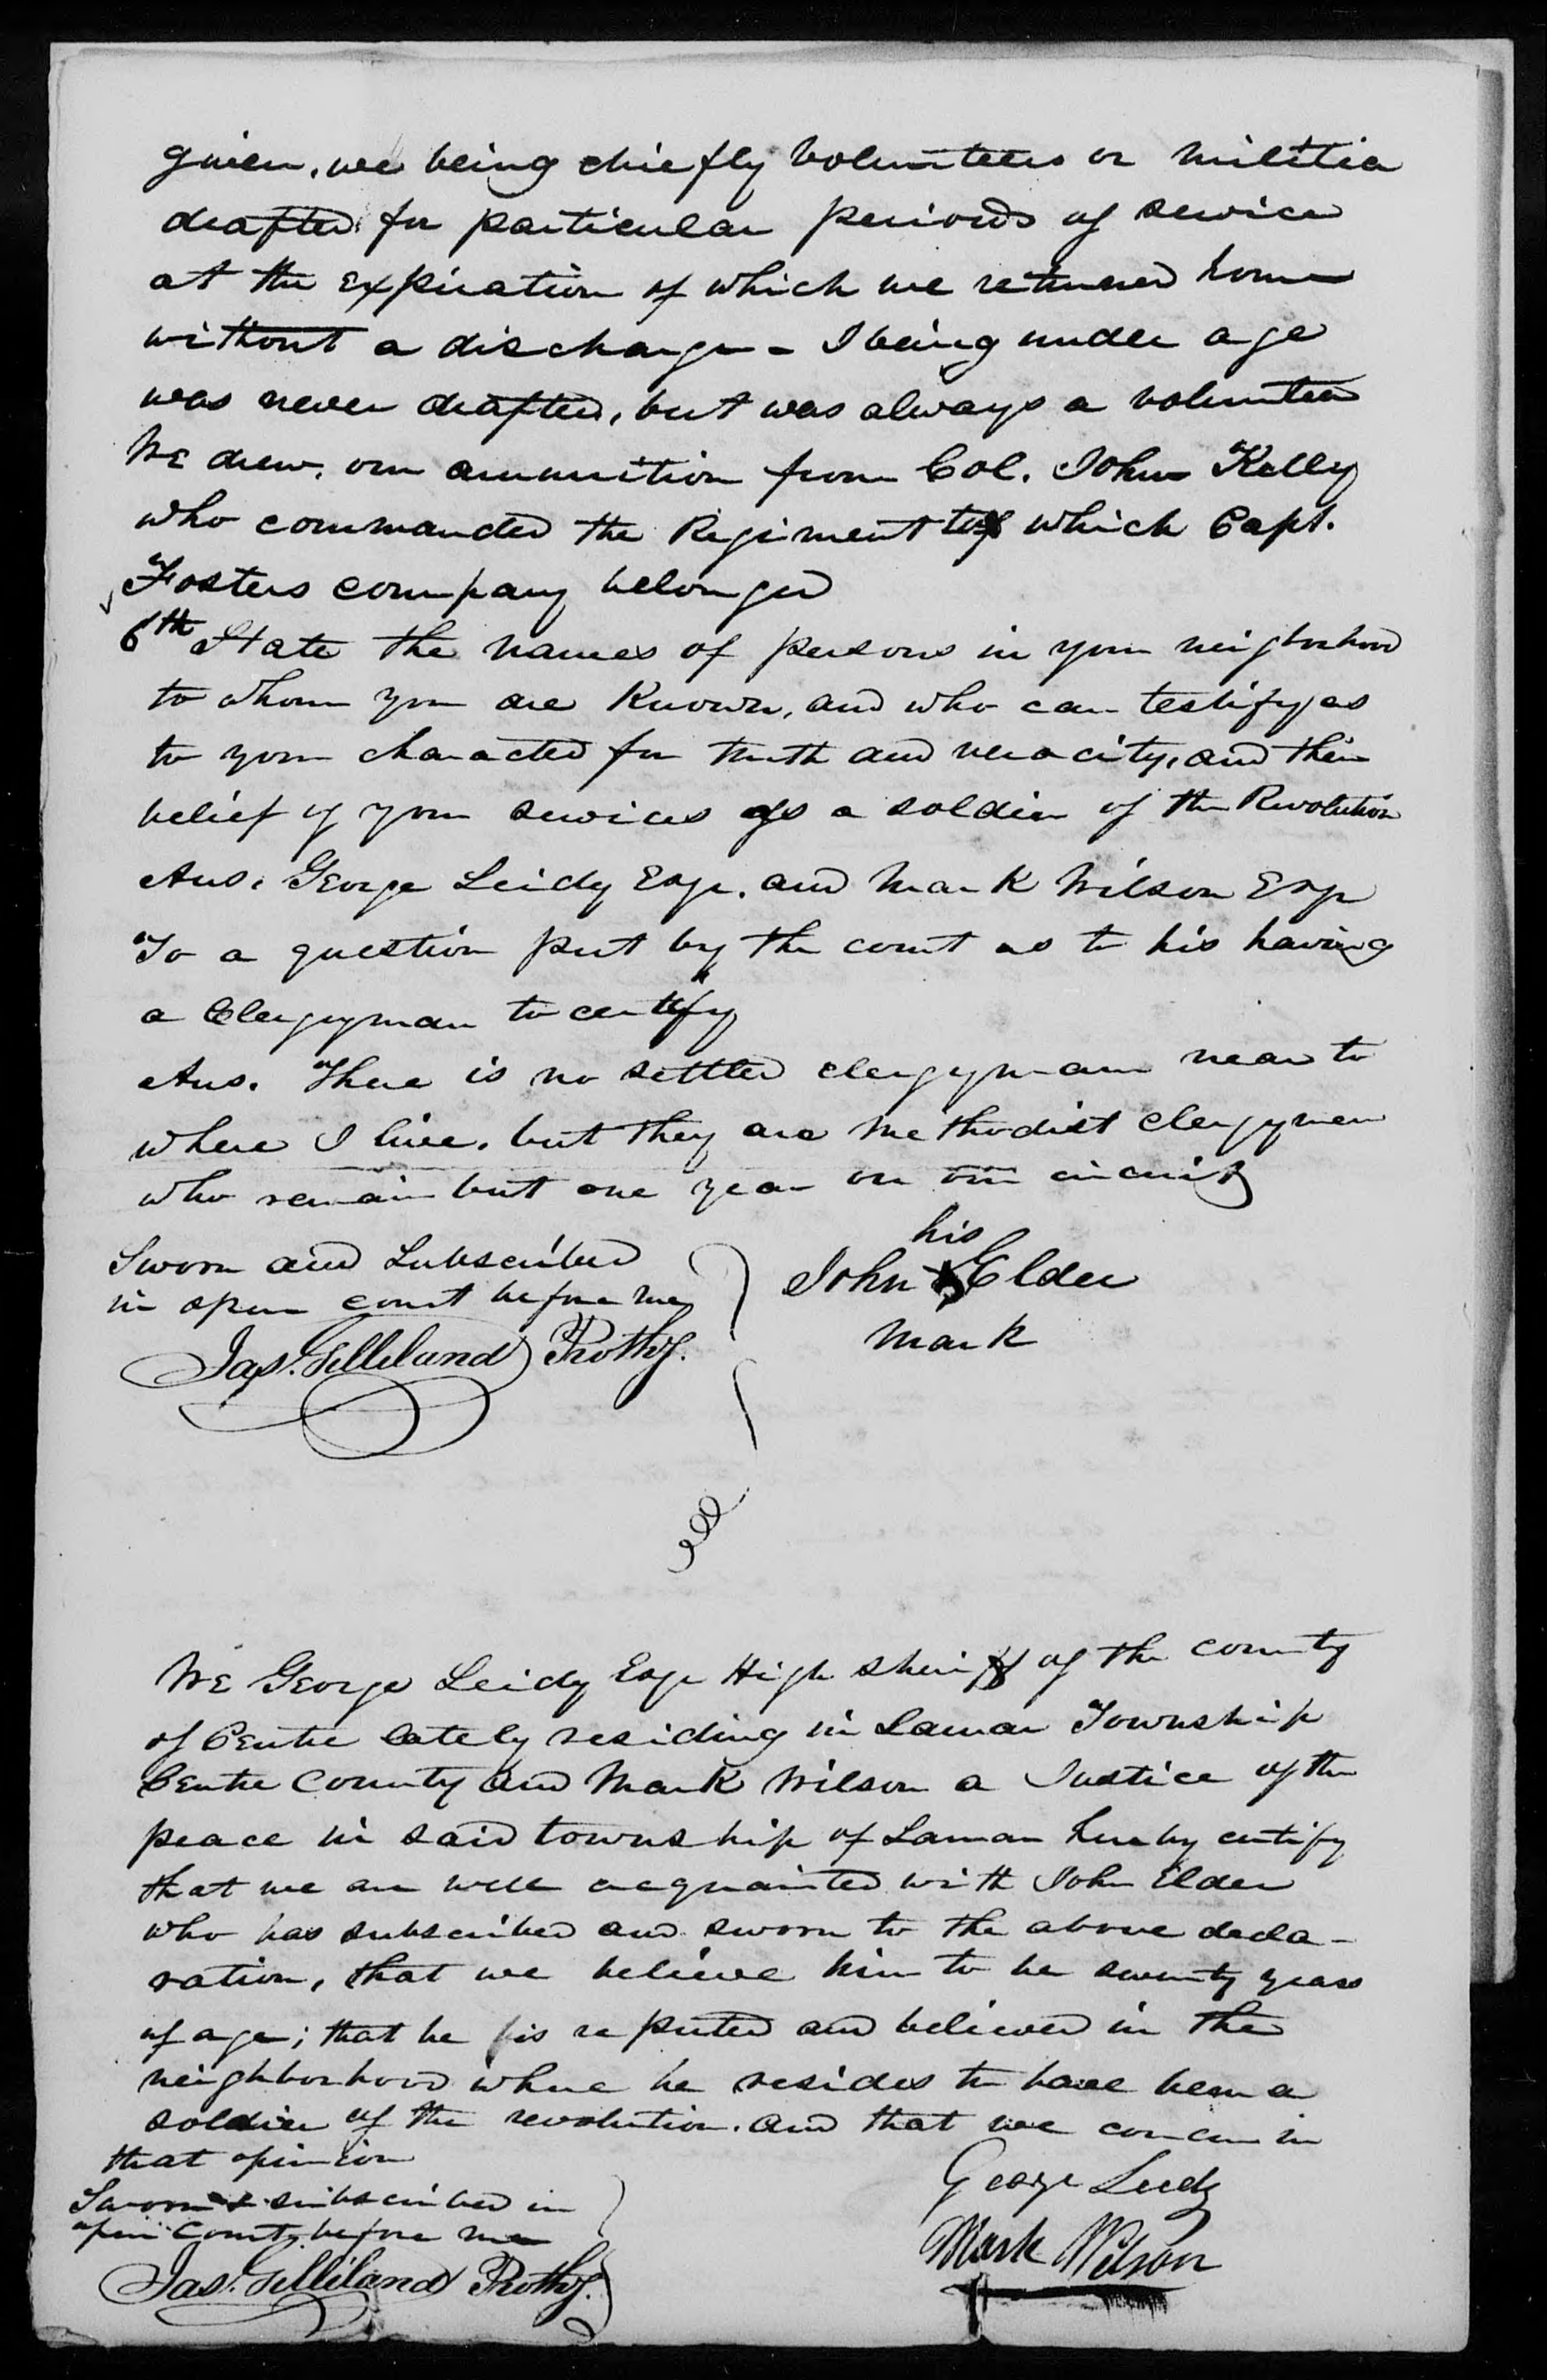...given, we being chiefly volunteers or militia drafted for particular periods of service at the expiration of which we returned home without a discharge—I being under age was never drafted, but was always a volunteer. We were on an expedition from Col. John Kelly who commanded the regiment of which Capt. Foster's company belonged.
6th: State the names of the persons in your neighborhood to whom you are known, and who can testify as to your character for truth and veracity and their belief of your service as a soldier of the Revolution.
Answer: George Leidy Esq. and Mark Wilson Esq
To the question put by the court as to his having a clergyman to certify
Answer: There is no settler clergyman near to where I live, but they are the methodist clergyman who remain but one year in the community.

Sworn and subscribed in open court before me: James Gilliland [illegible]

We George Leidy Esq. High Sheriff of the county of Centre lately residing in Lamar Township Centre County and Mark Wilson a Justice of the peace in said township of Lamar hereby certify that we are well acquainted with John Elder who has subscribed and sworn to the above declaration, that we believe him to be seventy years of age; that he is reputed and believed in the neighborhood where he resides to have been a soldier of the revolution, and that we concur in that opinion."   

"Geo. Leidy" (Signature)
"Mark Wilson" (Signature)

"Sworn and subscribed before me this"
"John Gilliland (Clerk/Official Signature)"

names: John Elder, George Leidy, Mark Wilson, John Elden, Jas Gilliland, John Kelly, Jas Gilliland, Mark Wilson, George Leidy, Mark Wilson, George Leidy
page: 7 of 80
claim: widow's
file: W. 24117, John Elder, Penn.